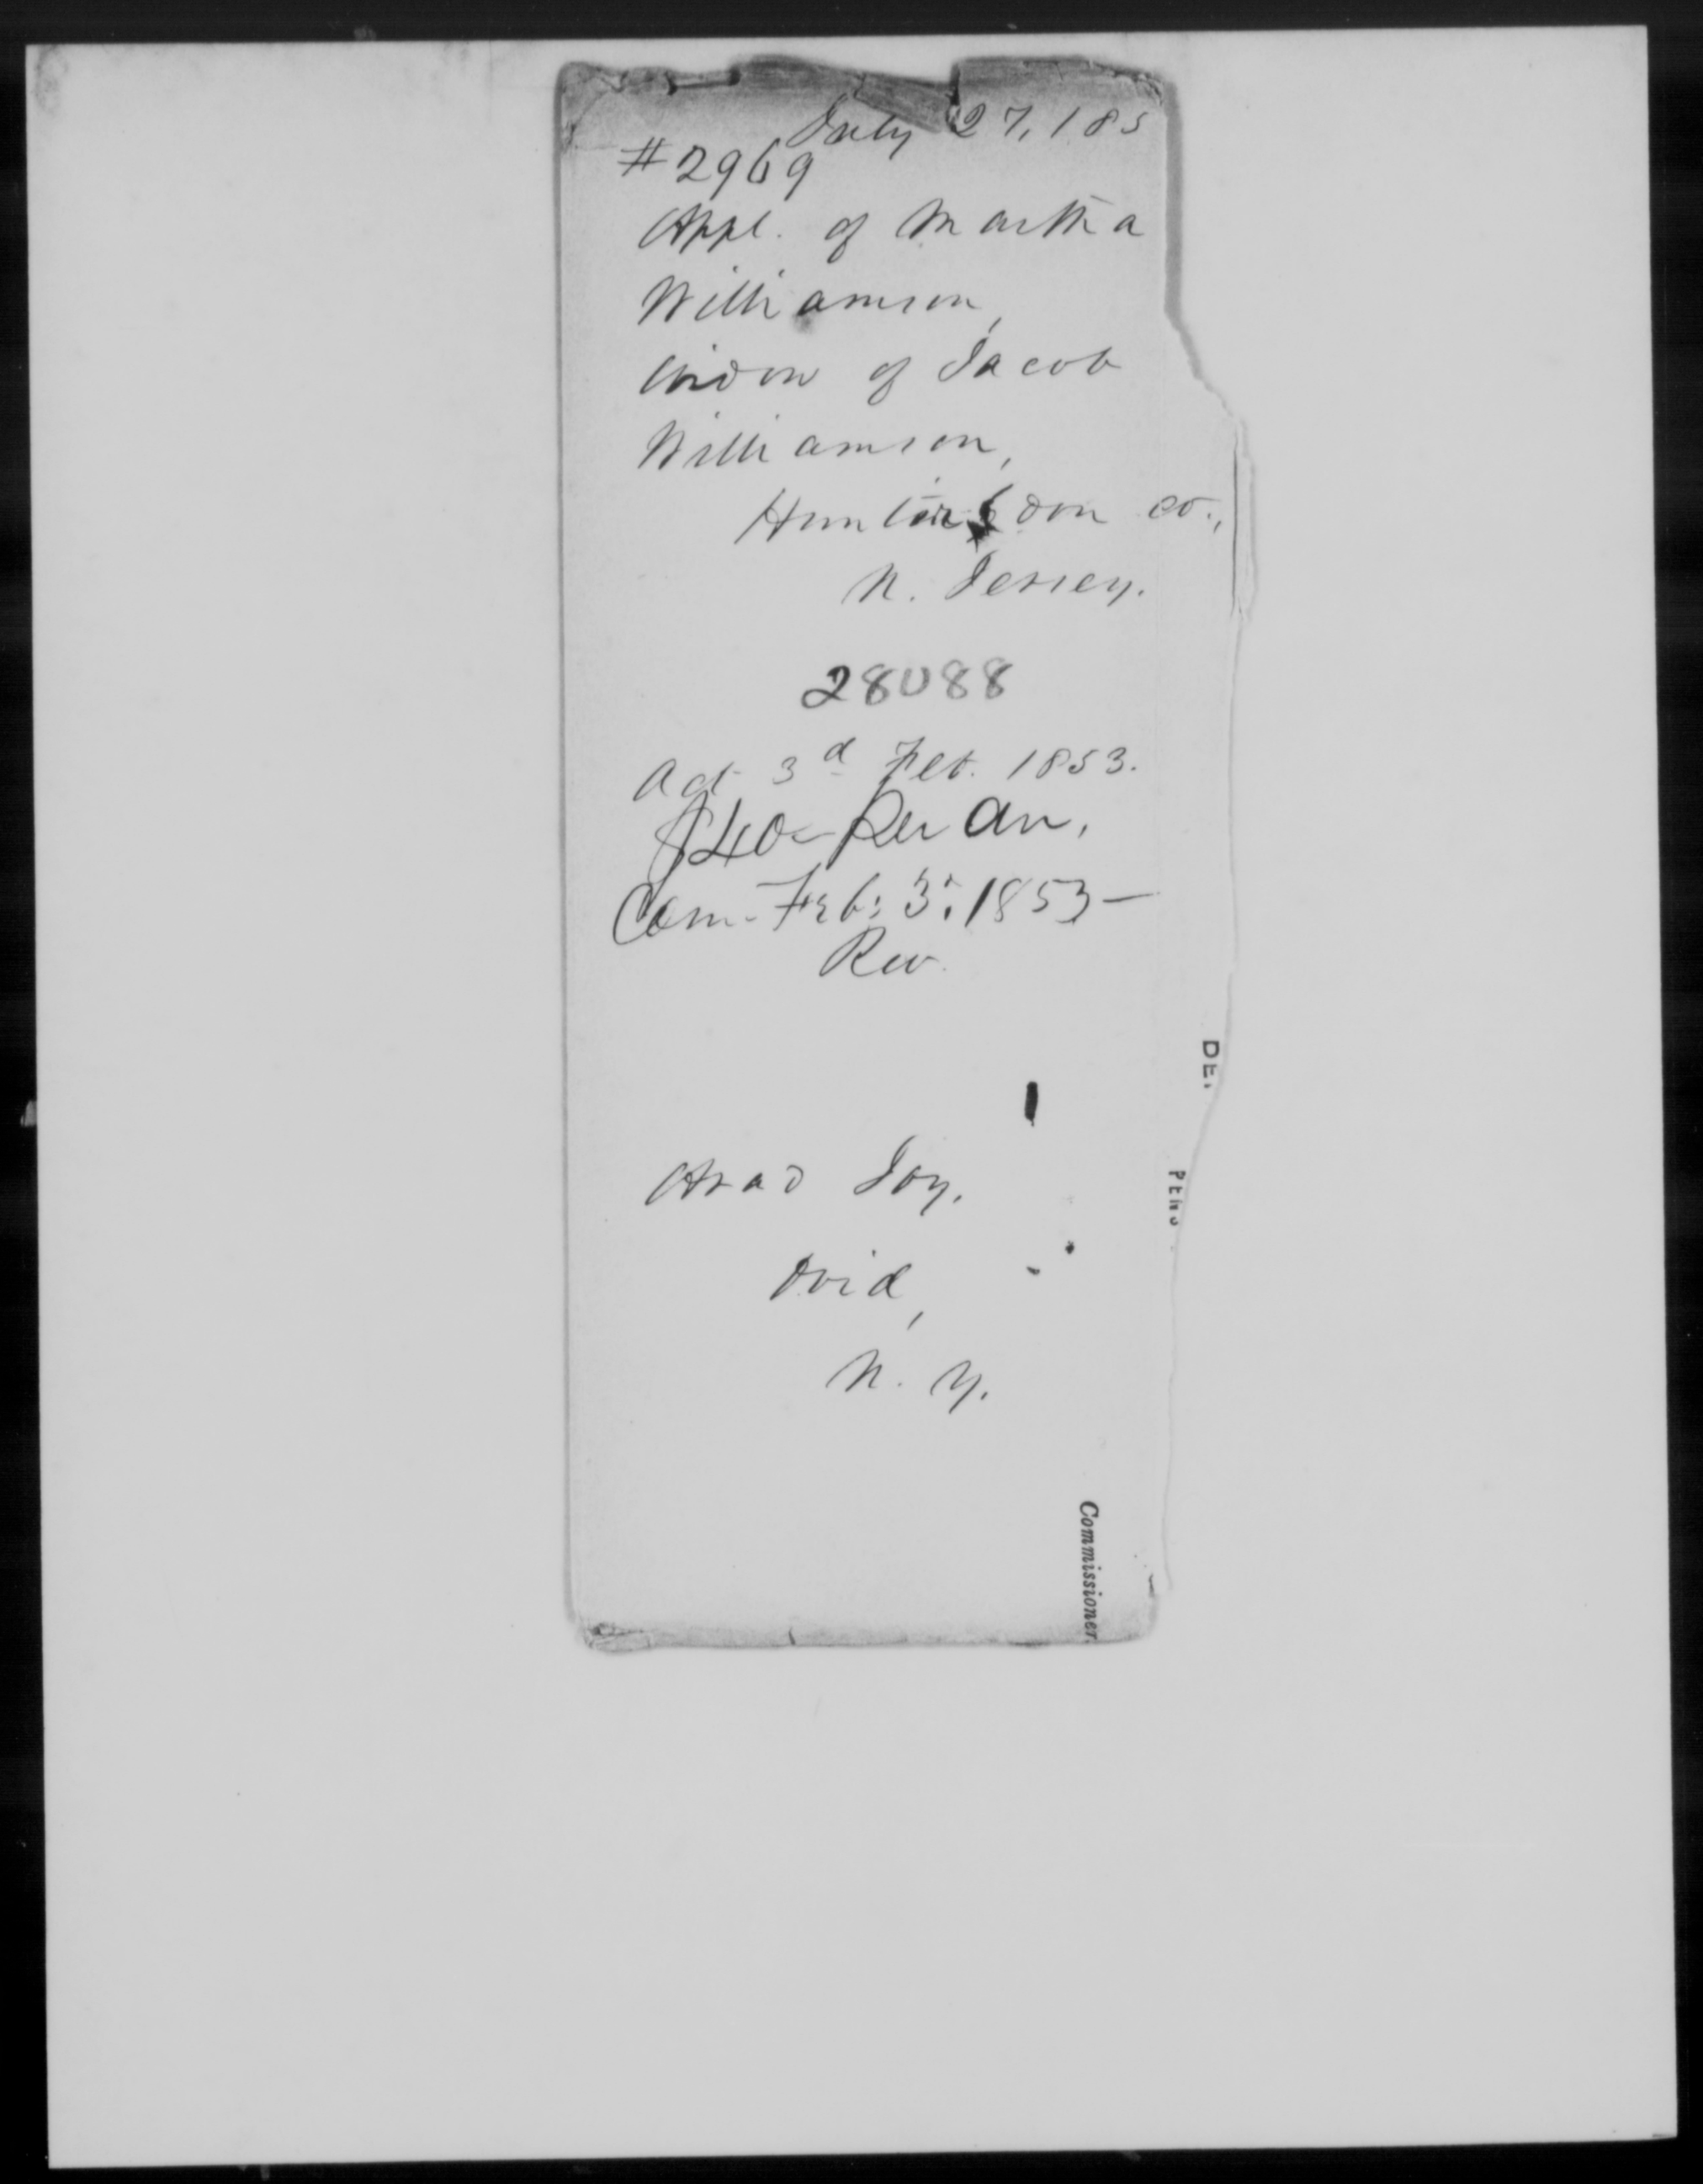July 17, 185[illegible]

#2969

Appl. of Martha Williamson, widow of Jacob Williamson, Hunterdon Co., N. Jersey.

28088

Act 3rd Feb 1853.
$40 per An(num).
Com(menced) Feb. 3rd 1853.

Rev(olutionary War)

Arad Joy
Ovid, N.Y.

Pens
Commissioner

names: Arad Joy, Martha Williamson, Jacob Williamson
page: 40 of 67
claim: widow's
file: W. 2393, Jacob Williamson, New Jersey